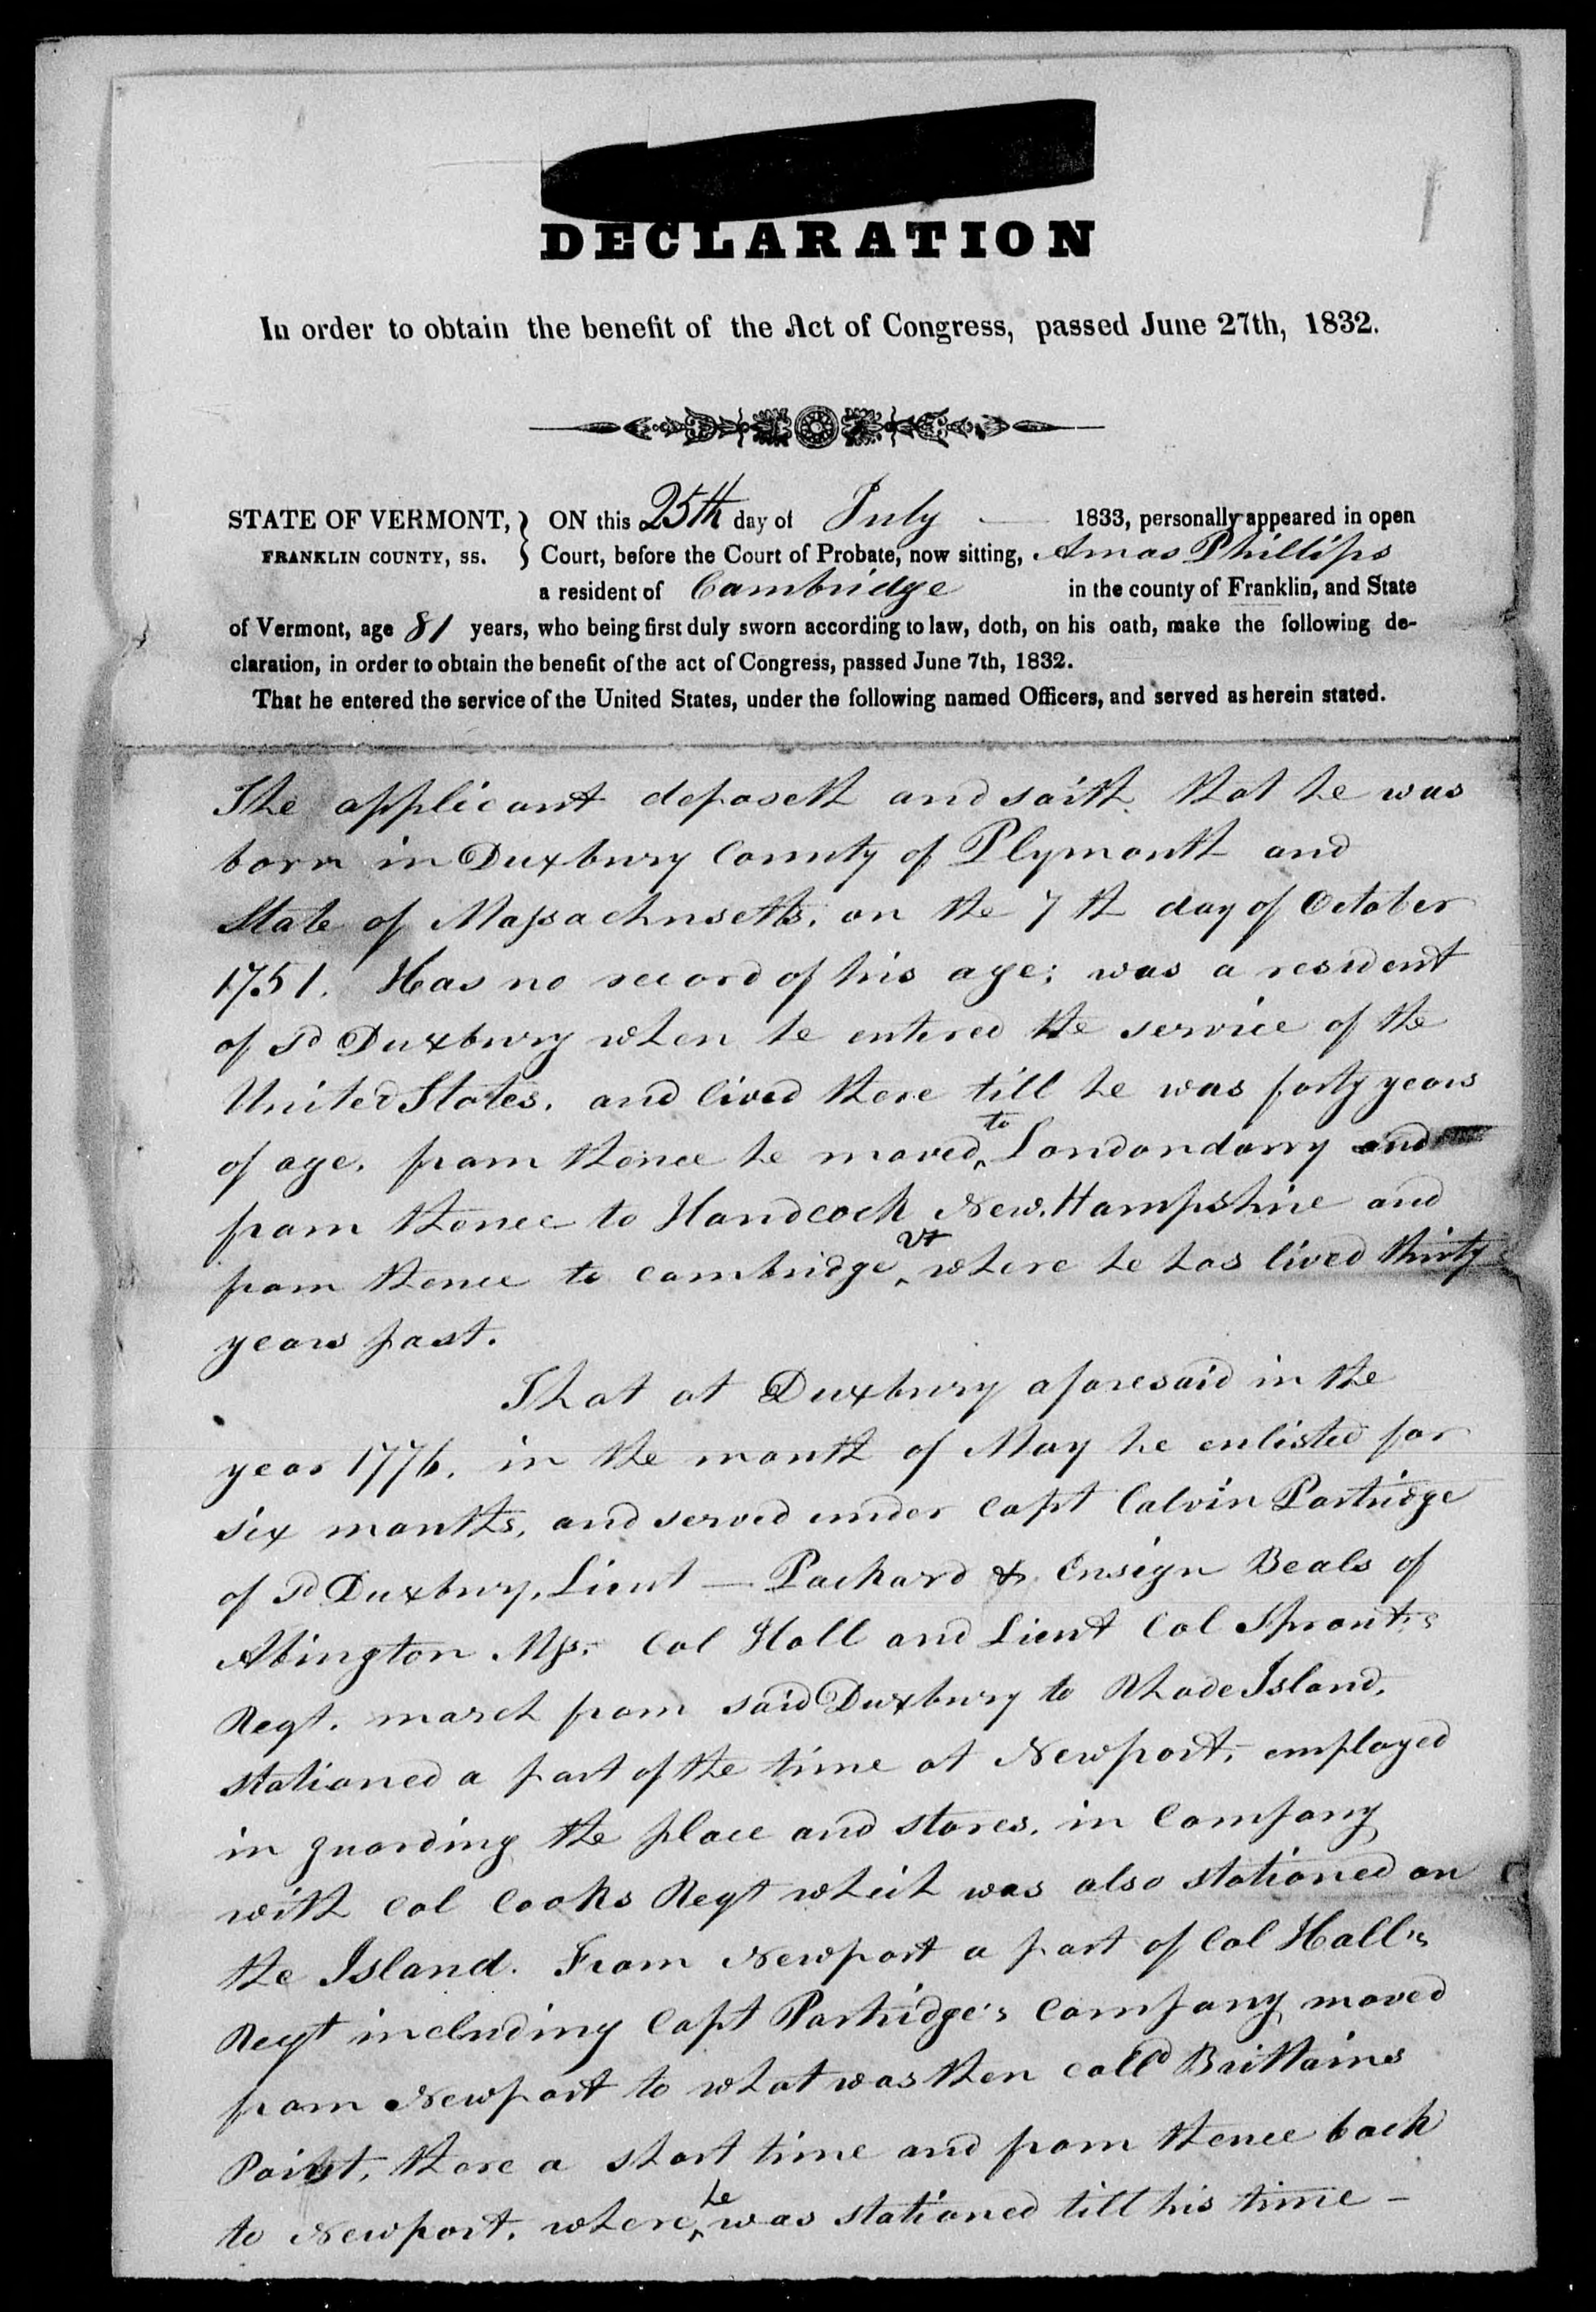[Preprinted form with handwritten answers]
DECLARATION
In order to obtain the benefit of the Act of Congress, passed June 27th, 1832.
STATE OF VERMONT,
FRANKLIN COUNTY, SS.
On this 25th day of July 1833, personally appeared in open Court, before the Court of Probate, now sitting, Amos Phillips a resident of Cambridge in the county of Franklin, and State of Vermont, age 81 years, who being first duly sworn according to law, doth, on his oath, make the following declaration, in order to obtain the benefit of the act of Congress, passed June 7th, 1832. That he entered the service of the United States, under the following named Officers, and served as herein stated.
The applicant deposeth and saith that he was
born in Duxbury County of Plymouth and
State of Massachusetts, on the 7th day of October 1751. Has no record of his age, was a resident of sd Duxbury when he entered the service of the United States, and lived there till he was forty years of age, from thence he moved to Londonderry and from thence to Handcock New Hampshire and from thence to Cambridge Vt where he has lived thirty years past. That at Duxbury aforesaid in the year 1776, in the month of May he enlisted for six months, and served under Capt Calvin Partridge of S. Duxbury, Lieut. Packard & Ensign Beals of Abington Mass. Col Hall and Lieut Col Sprant's Regt. march from said Duxbury to Rhode Island, stationed a part of the time at Newport, employed in guarding the place and stores, in company with Col Cooks Regt which was also stationed on the Island. From Newport a part of Col Hall's Regt including Capt Partridge's company moved
from Newport to what was then calld Brittains
Point, there a short time and from thence back to Newport, where he was stationed till his time-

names: [BLANK] Beals; Calvin Partridge; [BLANK] Pachard; Amos Phillips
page: 12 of 26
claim: widow's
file: W. 26,886, for Amos Phillips, Massachusetts